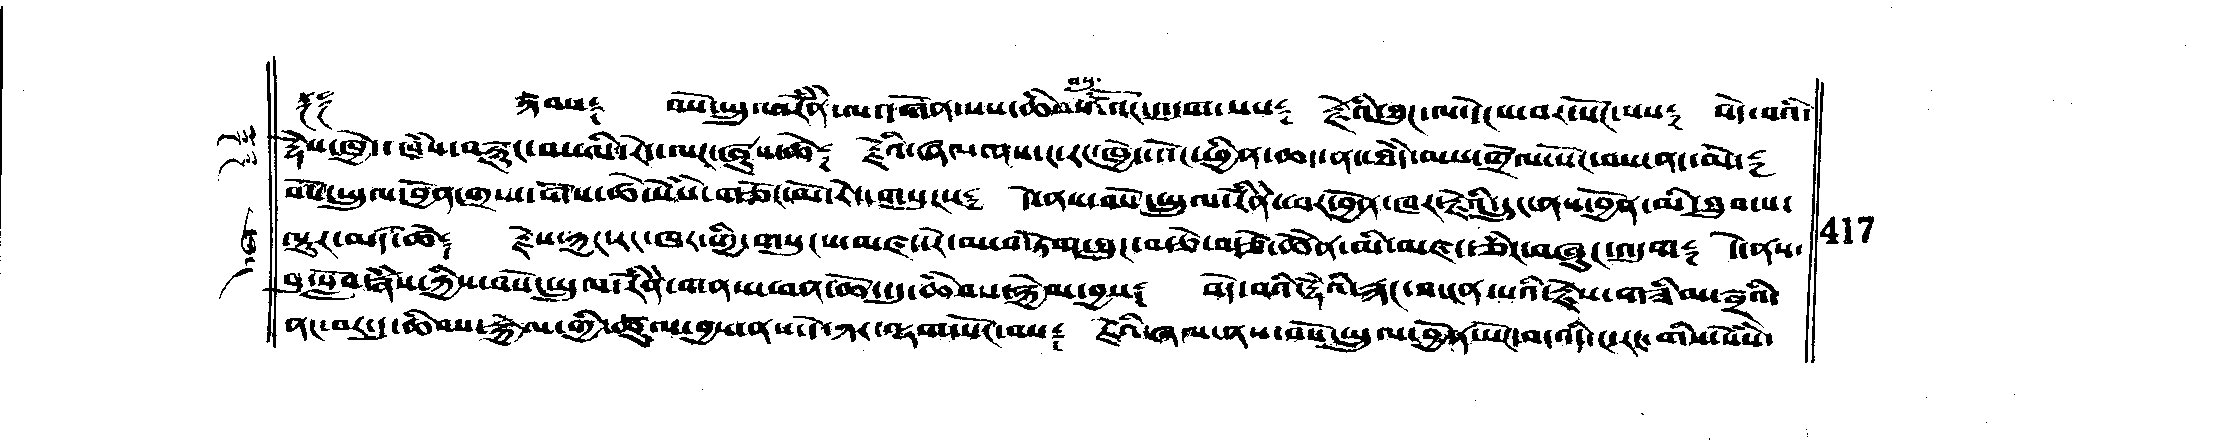སྐབས། བསོ་སྤྲུལ་རིན་པོ་ཆེ་ལ་དགོན་པས་ཆིབས་བསུ་འོང་འདུག་པས། རྗེའི་ཐུགས་ལ་དེངས་བར་སོང་པས། བདེ་བའི་
རྡོ་རྗེས་ཁྱེད་ཁམས་བསྙུང་བ་ཨི་རེད་ལགས་ཞུས་ཚེ། རྗེའི་ཞལ་ནས་ང་རང་ཁྱེད་འོང་ཕྱིན་ཆད་ནད་ཐམས་ཅད་ལས་གྲོལ་སོང་བས་ནད་མེད།
བསོ་སྤྲུལ་བྱོན་གྲབས་དགོས་ཚེ་སེམས་གཅོང་མོ་རེད་གསུངས། དེ་ནས་བསོ་སྤྲུལ་རིན་པོ་ཆེ་ཕར་བྱོན་ཁར་རྗེའི་དྲུང་ནས་བྱོན་མི་ཐུབ་པ་
ལྟ་བུར་མཛད་ཚེ། རྗེས་ཀྱང་རང་ཁར་གྱི་གསུང་མཛད་རེ་མ་གཏོགས་ཐུགས་བརྩེ་ཆེན་པོ་མི་མཛད་ཅིང་བཞུགས་འདུག དེ་ནས་
བུ་སློབ་རྣམས་ཀྱི་བསོ་སྤྲུལ་རིན་པོ་ཆེ་གནས་ཕན་ཆོད་དུ་ཆིབས་སྐྱེལ་བྱས། བདེ་བའི་རྡོ་རྗེའི་རྐང་པ་ངན་པས་རྗེས་གཟིམ་སྦྲའི་
ནང་བར་དུ་ཆིབས་སྐྱེསལ་གྱི་ཚུལ་བྱས་ནས་དེ་ཀར་ལྷག་སོང་བས། རྗེའི་ཞལ་ནས་བསོ་སྤྲུལ་བྱོན་སོང་བ་འདི་ང་རང་གིས་སེམས་